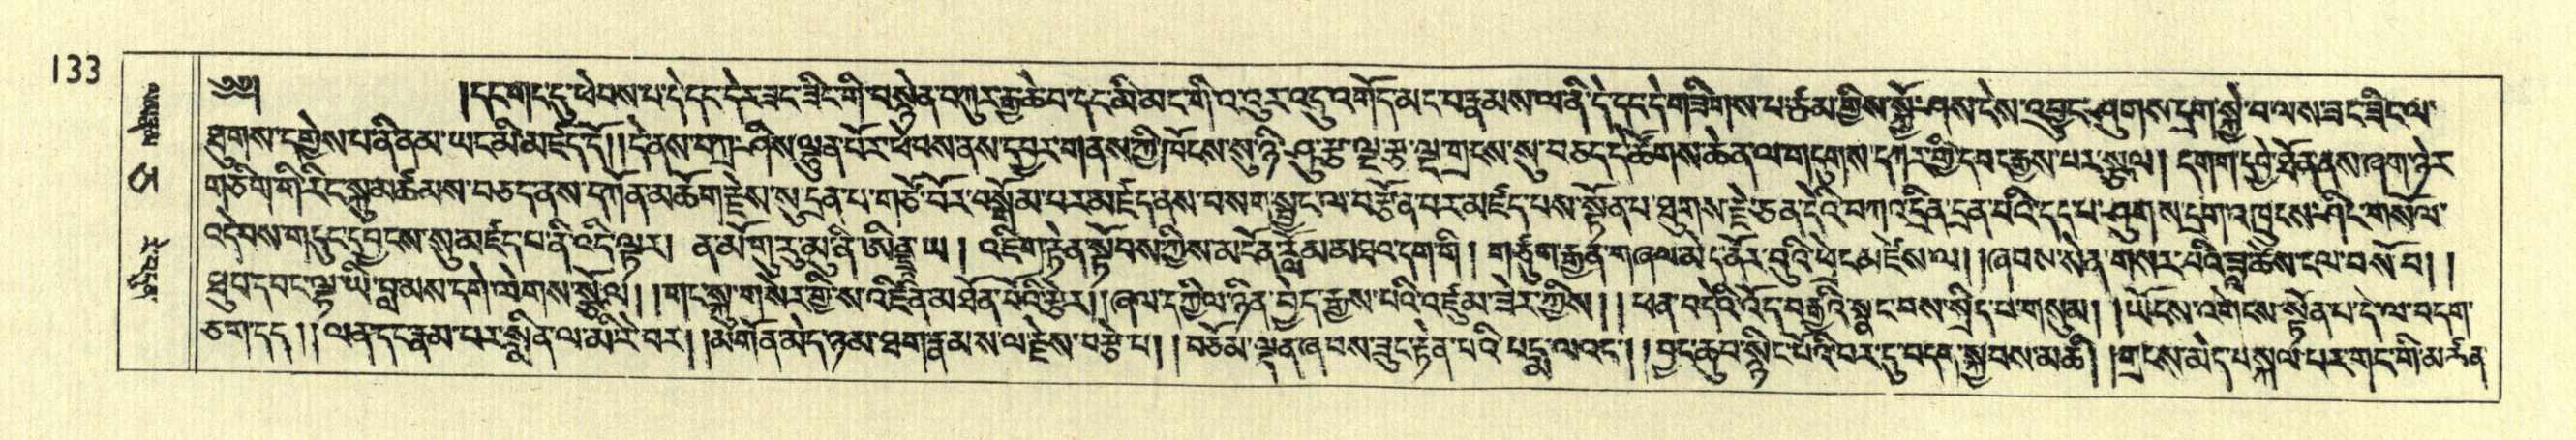༄༅། །དང་གང་དུ་ཕེབས་པ་དེ་དང་དེར་ཟང་ཟིང་གི་བསྙེན་བཀུར་རྒྱ་ཆེ་བ་དང་མི་མང་གི་འ་འུར་འདུ་འགོད་མང་པ་རྣམས་ལ་ནི་དེ་དང་དེ་གཟིགས་པ་ཙམ་གྱིས་སྐྱོ་ཤས་ངེས་འབྱུང་ཤུགས་དྲག་སྐྱེ་བ་ལས་ཟང་ཟིང་ལ་
ཐུགས་དགྱེས་པ་ནི་ནམ་ཡང་མི་མཛད་དོ། །དེ་ནས་བཀྲ་ཤིས་ལྷུན་པོར་ཕེབས་ནས་དབྱར་གནས་ཀྱི་ཁོངས་སུ་ཉི་ཤུ་རྩ་ལྔ་རྩ་ལྔ་གྲངས་སུ་བཅད་དེ་ཚོགས་ཆེན་ལ་གདུགས་དཀར་གྱི་དབང་རྒྱས་པར་སྩལ། དགག་དབྱེ་ཐོན་ནས་ཞག་ཉེར་
གཅིག་གི་རིང་སྐུ་མཚམས་བཅད་ནས་དཀོན་མཆོག་རྗེས་སུ་དྲན་པ་གཙོ་བོར་བསྒོམ་པར་མཛད་ནས་བསག་སྦྱང་ལ་བརྩོན་པར་མཛད་པས་སྟོན་པ་ཐུགས་རྗེ་ཅན་དེའི་བཀའ་དྲིན་དྲན་པའི་དད་པ་ཤུགས་དྲག་འཁྲུངས་ཤིང་གསོལ་
འདེབས་གདུང་དབྱངས་སུ་མཛད་པ་ནི་འདི་ལྟར། ན་མོ་གུ་རུ་མུ་ནི་ཨིནྡྲཱ་ཡ། འཇིག་རྟེན་སྟོབས་ཀྱིས་མངོན་རློམ་མཐའ་དག་གི། གཙུག་རྒྱན་གཞལ་མེད་ནོར་བུའི་ཕྲེང་མཛེས་ལ། །ཞབས་སེན་གསར་པའི་ཟླ་ཚོས་ངལ་བསོ་བ། །
ཐུབ་དབང་ལྷ་ཡི་བླ་མས་དགེ་ལེགས་སྩོལ། །གང་སྐུ་སེར་གྱི་ས་འཛིན་མཐོན་པོའི་རྩེར། །ཞལ་དཀྱིལ་ཉིན་བྱེད་རྒྱས་པའི་འཛུམ་ཟེར་ཀྱིས། །ཕན་བདེའི་འོད་བརྒྱའི་སྣང་བས་སྲིད་པ་གསུམ། །ཡོངས་འགེངས་སྟོན་པ་དེ་ལ་བདག་
ཅག་དད། །ལན་དང་རྣམ་པར་སྨིན་ལ་མི་རེ་བར། །མགོན་མེད་ཉམ་ཐག་རྣམས་ལ་རྗེས་བརྩེ་པ། །བཅོམ་ལྡན་ཞབས་ཟུང་རྟེན་པའི་པདམ་ལའང་། །བྱང་ཆུབ་སྙིང་པོའི་བར་དུ་བདག་སྐྱབས་མཆི། །གྲངས་མེད་པ་སྐལ་པར་གང་གི་མཚན་